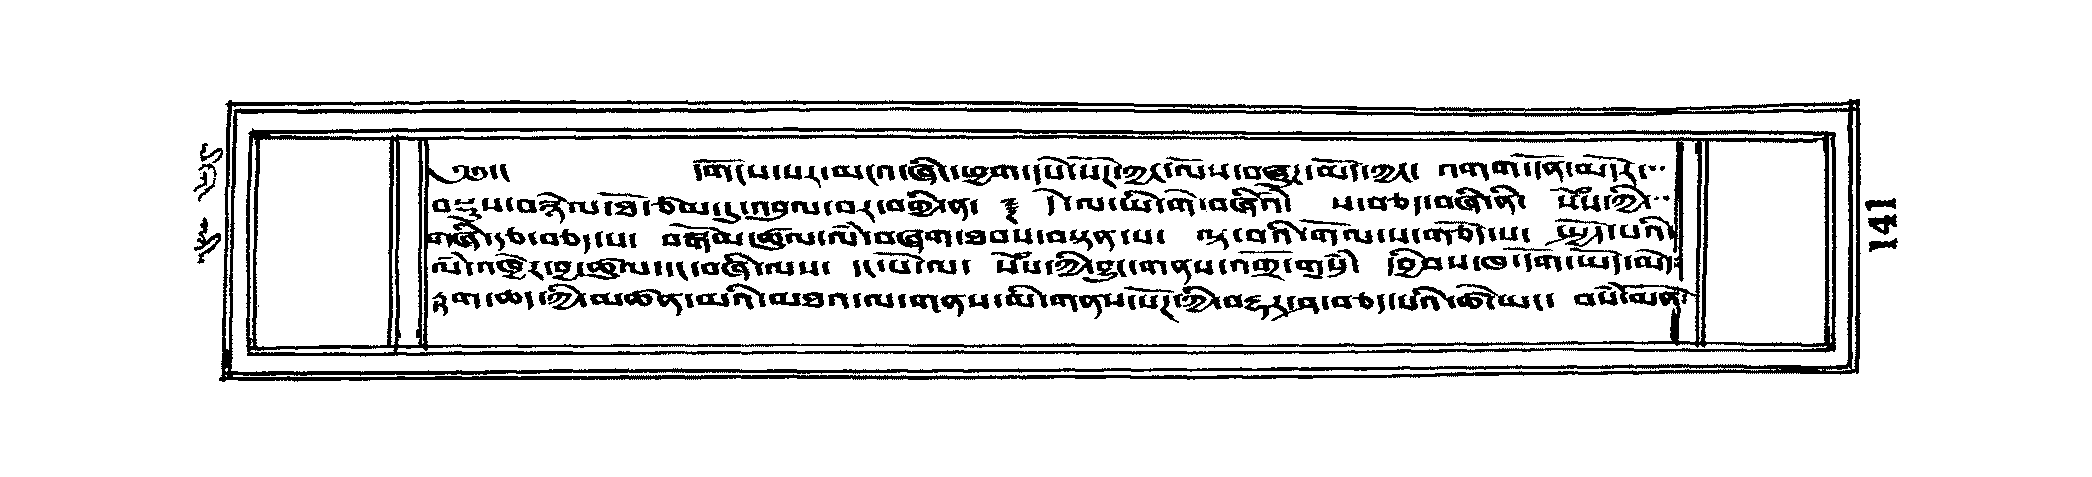དགོངས་པར་མངའ་ཞིང་ཕྱག་དཔེ་སོགས་ཀྱང་ལོས་བཞུགས་མོད་ཀྱང་། འགག་དོན་མདོར་
བསྡུས་བསྙེལ་ཐོ་ཙམ་དུ་འབུལ་བར་བགྱི་ན། དེ་ལ་ཡི་གེ་བཞིའམ། ས་བཅད་བཞི་ནི། སེམས་ཀྱི་
གཞི་རྩ་བཅད་པ། བསྒོམ་ཚུལ་ལམ་བཞག་ཐབས་བསྟན་པ། ལྟ་བའི་གོལ་ས་གཅོད་པ། སྤྱོད་པའི་
ལམ་འཁྱེར་བྱ་ཚུལ་དང་བཞི་ལས། དང་པོ་ལ། སེམས་ཀྱི་བྱུང་གནས་འགྲོ་གསུམ། དབྱིབས་ཁ་དོག་ཡོད་མེད་
རྟག་ཆད་ཀྱི་མཚན་མའི་མཐའ་ལ་གནས་མི་གནས་སོགས་ཀྱི་བརྡར་ཤ་བཅད་པའི་ཚེ་ཡང་། བསམ་མོན་